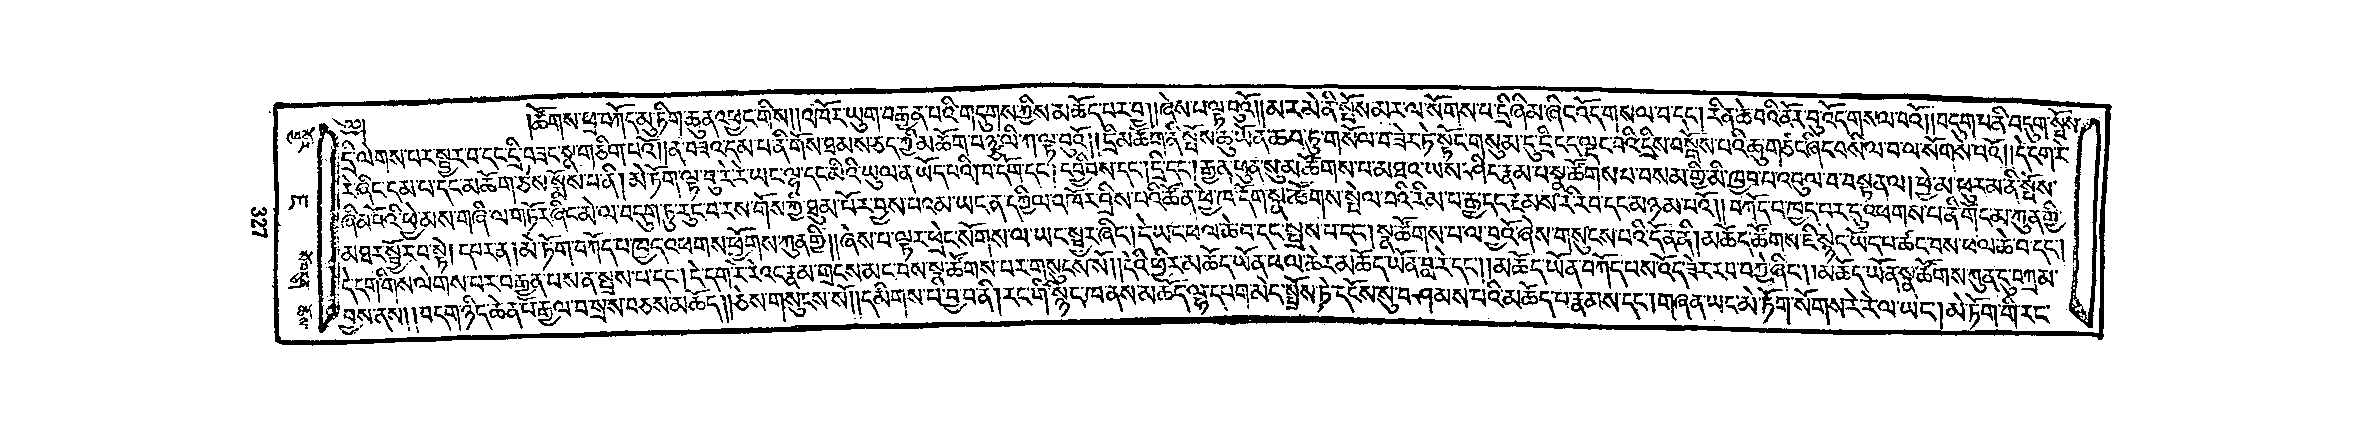༄༅། །ཚོགས་ཕྲ་བཀོད་མུ་ཏིག་ཆུན་འཕྱང་གིས། །འཁོར་ཡུག་བརྒྱན་པའི་གདུགས་ཀྱིས་མཆོད་པར་བྱ། །ཞེས་པ་ལྟ་བུའོ། །མར་མེ་ནི་སྤོས་མར་ལ་སོགས་པ་དྲི་ཞིམ་ཞིང་འོད་གསལ་བ་དང་། རིན་ཆེ་བའི་ནོར་བུ་འོད་གསལ་བའོ། །བདུག་པ་ནི་བདུག་སྤོས་
དྲི་ལེགས་པར་སྦྱར་བ་དང་དྲི་བཟང་སྣ་གཅིག་པའོ། །ན་བཟའ་དམ་པ་ནི་གོས་ཐམས་ཅད་ཀྱི་མཆོག་པཉྩ་ལི་ཀ་ལྟ་བུའོ། །དྲི་མཆོག་ནི་སྤོས་ཆུ་ཡོན་ཆབ་ཏུ་གསོལ་བ་ཟེར་ཏེ་སྟོང་གསུམ་དུ་དྲི་ངད་ལྡང་བའི་དྲིས་བསྒོས་པའི་ཆུ་གཙང་ཞིང་བསིལ་བ་ལ་སོགས་པའོ། །དེ་དག་རེ་
རེ་ཞིང་དམ་པ་དང་མཆོག་ཅེས་སྨོས་པ་ནི། མེ་ཏོག་ལྟ་བུ་རེ་རེ་ཡང་ལྷ་དང་མིའི་ཡུལ་ན་ཡོད་པའི་ཁ་དོག་དང་། དབྱིབས་དང་། དྲི་དང་། རྒྱན་ཕུན་སུམ་ཚོགས་པ་མཐའ་ཡས་ཤིང་རྣམ་པ་སྣ་ཚོགས་པ་བསམ་གྱི་མི་ཁྱབ་པ་འབུལ་བ་བསྟན་ལ། ཕྱེ་མ་ཕུར་མ་ནི་སྤོས་
ཞིམ་པོའི་ཕྱེ་མས་གཞི་ལ་གཏོར་ཞིང་མེ་ལ་བདུག་ཏུ་རུང་བ་རས་གོས་ཀྱི་ཐུམ་པོར་བྱས་པའམ་ཡང་ན་དཀྱིལ་འཁོར་བྲིས་པའི་ཚོན་ཕྱེ་ཁ་དོག་སྣ་ཚོགས་སྤེལ་བའི་རིམ་པ་རྒྱ་དང་རྔམས་རི་རབ་དང་མཉམ་པའོ། །བཀོད་པ་ཁྱད་པར་དུ་འཕགས་པ་ནི་གོང་མ་ཀུན་གྱི་
མཐར་སྦྱོར་བ་སྟེ། དཔེར་ན། མེ་ཏོག་བཀོད་པ་ཁྱད་འཕགས་ཕྱོགས་ཀུན་གྱི། །ཞེས་པ་ལྟར་ཕྲེང་སོགས་ལ་ཡང་སྦྱར་ཞིང་། དེ་ཡང་ཕལ་ཆེ་བ་དང་སྤྲས་པ་དང་། སྣ་ཚོགས་པ་ལ་བྱའོ་ཞེས་གསུངས་པའི་དོན་ནི། མཆོད་ཚོགས་ཇི་སྙེད་ཡོད་པ་ཚང་བས་ཕལ་ཆེ་བ་དང་།
དེ་དག་གིས་ལེགས་པར་བརྒྱན་པས་ན་སྤྲས་པ་དང་། དེ་དག་རེ་རེའང་རྣམ་གྲངས་མང་བས་སྣ་ཚོགས་པར་གསུངས་སོ། །དེའི་ཕྱིར་མཆོད་ཡོན་ཕལ་ཆེར་མཆོད་ཡོན་བླ་རེ་དང་། །མཆོད་ཡོན་བཀོད་པས་འོད་ཟེར་རབ་བཀྱེ་ཞིང་། །མཆོད་ཡོན་སྣ་ཚོགས་ཀུན་དུ་བཀྲམ་
བྱས་ནས། །བདག་ཉིད་ཆེན་པོ་རྒྱལ་བ་སྲས་བཅས་མཆོད། །ཅེས་གསུངས་སོ། །དམིགས་པ་བྱ་བ་ནི། རང་གི་སྙིང་ཁ་ནས་མཆོད་ལྷ་དཔག་མེད་སྤྲོས་ཏེ་དངོས་སུ་བཤམས་པའི་མཆོད་པ་རྣམས་དང་། གཞན་ཡང་མེ་ཏོག་སོགས་རེ་རེ་ལ་ཡང་། མེ་ཏོག་གི་རང་